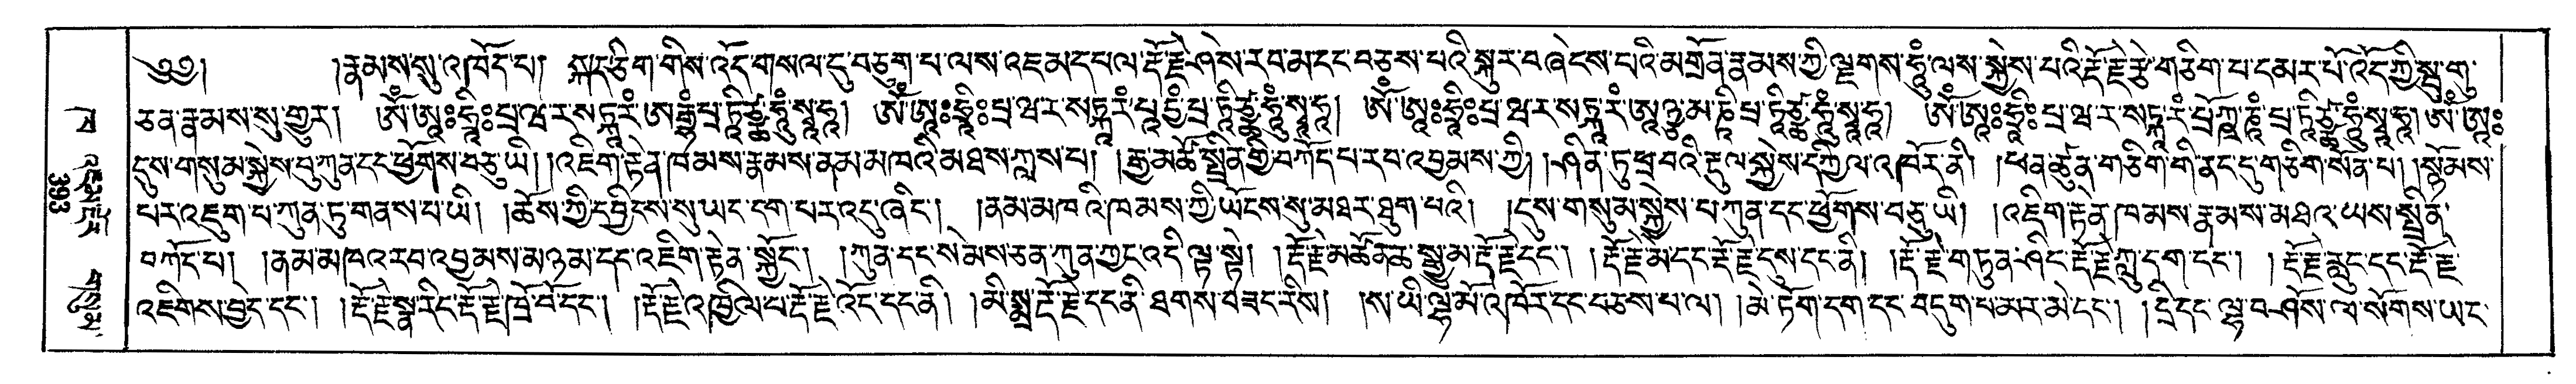༄༅། །རྣམས་སུ་འཁོད་པ། སྐད་ཅིག་གིས་འོད་གསལ་དུ་བཅུག་པ་ལས་འཇམ་དཔལ་རྡོ་རྗེ་ཤེས་རབ་མ་དང་བཅས་པའི་སྐུར་བཞེངས་པའི་མགྲོན་རྣམས་ཀྱི་ལྗགས་ཧཱུཾ་ལས་སྐྱེས་པའི་རྡོ་རྗེ་རྩེ་གཅིག་པ་དམར་པོ་འོད་ཀྱི་སྦུ་གུ་
ཅན་རྣམས་སུ་གྱུར། ཨོཾ་ཨཱཿ ཧྲཱིཿ པྲ་ཝ་ར་སྟྐཱ་རཾ། ཨརྒྷཾ་པྲ་ཏཱི་ཙྪ་ཧཱུཾ་སྭཱ་ཧཱ། ཨོཾ་ཨཱཿ ཧྲཱིཿ པྲ་ཝ་ར་སཏྐཱ་རཾ་པཱ་དྱཾ་པྲ་ཏཱི་ཙྪ་ཧཱུཾ་སྭཱ་ཧཱ། ཨོཾ་ཨཱཿ ཧྲའིཿ པྲ་ཝ་ར་སཏྐཱ་རཾ་ཨཱ་ཉྩ་མ་ཎཱཾ་པྲ་ཏཱི་ཙྪ་ཧཱུཾ་སྭཱ་ཧཱ། ཨོཾ་ཨཱཿ ཧྲཱིཿ པྲ་ཝ་ར་སྟྐཱ་རཾ་པྲོ་ཀྵ་ཎཱཾ་པྲ་ཏཱི་ཙྪ་ཧཱུཾ་སྭཱ་ཧཱ། ཨོཾ་ཨཱཿ སྭཱ་ཧཱ། ཨོཾ་ཨཱཿ
དུས་གསུམ་སྐྱེས་བུ་ཀུན་དང་ཕྱོགས་བཅུ་ཡི། །འཇིག་རྟེན་ཁམས་རྣམས་ནམ་མཁའི་མཐས་ཀླས་པ། །རྒྱ་མཚོ་སྤྲིན་གྱི་བཀོད་པ་རབ་འབྱམས་ཀྱི། །ཤིན་ཏུ་ཕྲ་བའི་རྡུལ་སྐྱེས་དཀྱིལ་འཁོར་ནི། །ཕན་ཚུན་གཅིག་གི་ནང་དུ་གཅིག་སོན་པ། །སྙོམས་
པར་འཇུག་པ་ཀུན་ཏུ་གནས་པ་ཡི། །ཆོས་ཀྱི་དབྱིངས་སུ་ཡང་དག་པར་འདུ་ཞིང་། །ནམ་མཁའི་ཁམས་ཀྱི་ཡོངས་སུ་མཐར་ཐུག་པའི། །དུས་གསུམ་སྐྱེས་པ་ཀུན་དང་ཕྱོགས་བཅུ་ཡི། །འཇིག་རྟེན་ཁམས་རྣམས་མཐའ་ཡས་སྤྲིན་
བཀོད་པ། །ནམ་མཁའ་རབ་འབྱམས་མཉམ་དང་འཇིག་རྟེན་སྐྱོད། །ཀུན་དང་སེམས་ཅན་ཀུན་ཀྱང་འདི་ལྟ་སྟེ། །རྡོ་རྗེ་མཚོན་ཆ་སྒྱུ་མ་རྡོ་རྗེ་དང་། །རྡོ་རྗེ་མ་དང་རྡོ་རྗེ་དུས་དང་ནི། །རྡོ་རྗེ་གཏུན་ཤིང་རྡོ་རྗེ་ཀླུ་དག་དང་། །རྡོ་རྗེ་རླུང་དང་རྡོ་རྗེ་
འཇིགས་བྱེད་དང་། །རྡོ་རྗེ་སྣ་རིང་རྡོ་རྗེ་ཁྲོ་བོ་དང་། །རྡོ་རྗེ་འཁྱིལ་པ་རྡོ་རྗེ་འོད་དང་ནི། །མི་སྨྲ་རྡོ་རྗེ་དང་ནི་ཐགས་བཟང་རིས། །ས་ཡི་ལྷ་མོ་འཁོར་དང་བཅས་པ་ལ། །མེ་ཏོག་དག་དང་བདུག་པ་མར་མེ་དང་། །དྲི་དང་ལྷ་བཤོས་ལ་སོགས་ཡང་